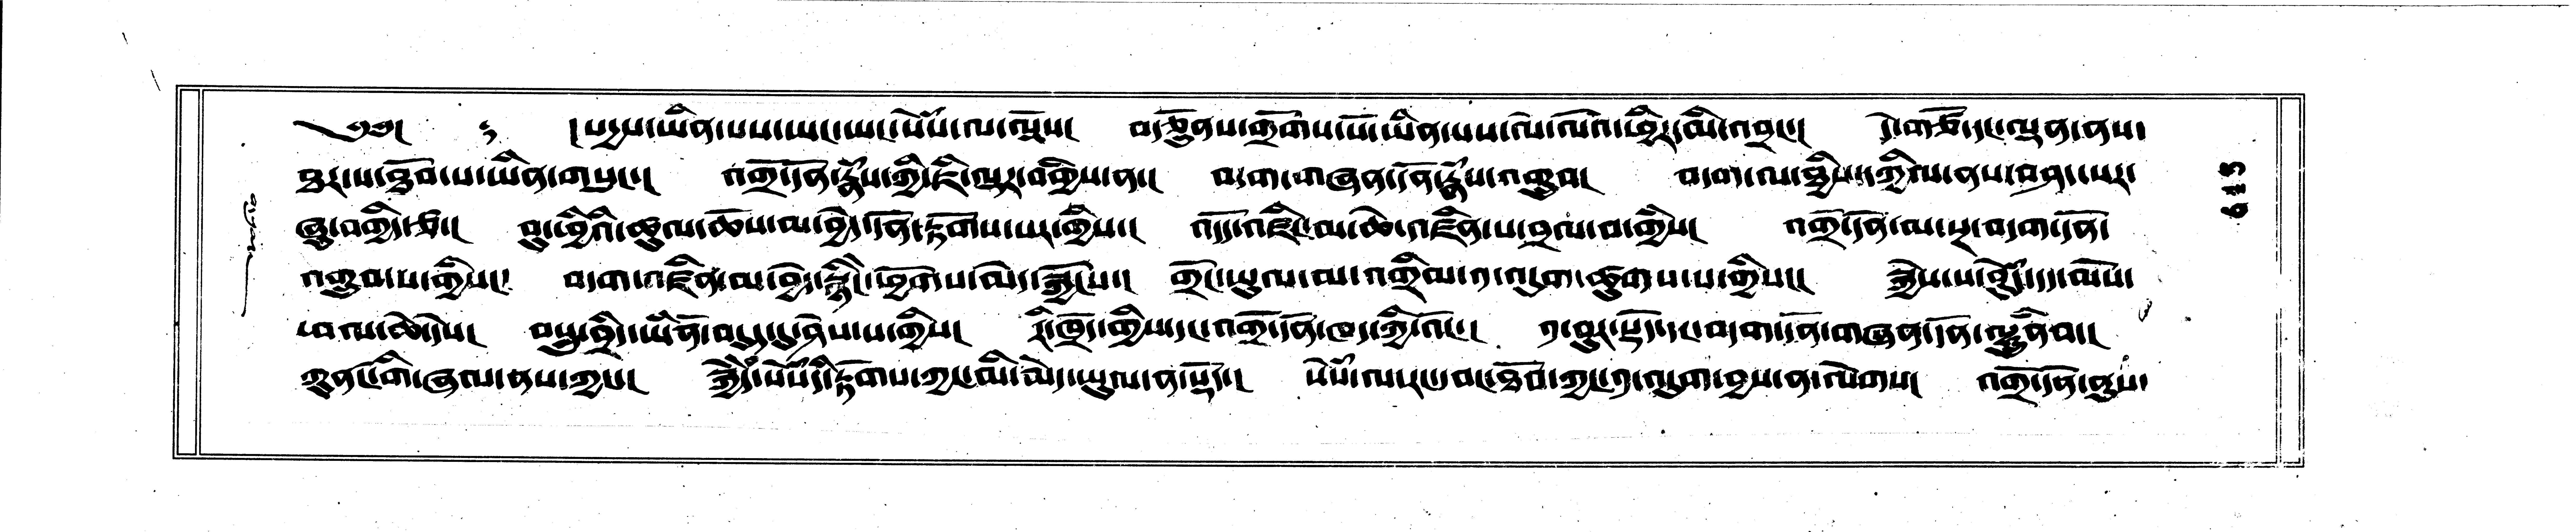སངས་རྒྱས་ཡིན་པས་སེམས་ལ་ཡང་ཡང་ལྟོས། བརྩོན་འགྲུབ་འགྲོག་རོག་ཡིན་པསལེ་ལོ་ཕྱིར་མི་འབྲིང་། དེ་ཚོ་དང་ལྡན་ན་
ཐར་པ་ཐོབས་གསུངས། འགྲོ་དོན་པ་རྣམས་ཅི་ལྟར་བགྱིད་ན་བདག་དོན་གཞན་དོན་འགྲུབ། བདག་ལ་ཐུགས་རྗེས་དཀྱིལ་ནས་བཤད་པར་
ཞུ་བགྱིས་ཙ། བུ་ཕྱིའི་ཚུལ་ཆོས་མ་བཟབ་ནང་དོན་རྟོགས་པ་གྱིས། འདོད་སྲིད་མ་ཆེ་འཛིན་པ་བྲལ་བ་གྱིས། འགྲོ་དོན་མ་སྔ་བདག་དོན་
འགྲུབ་པ་གྱིས། བདག་འཛིན་མ་བྱེད་སྙིང་རྗེ་ཕྱོགས་མེད་གྱིས། གྲོང་ཡུལ་མ་འགྲིམ་གཅིག་འདུག་ཚུག་པར་གྱིས། སྐྱེ་བོ་བུད་མེད་དད་མོས་
ཕར་ཆེར་དེ། བསླུ་བྲིད་ཡིན་ནོ་བདུད་དུ་ཤེས་པར་གྱིས། རི་ཁྲོད་དད་མོས་གྱིས་དང་འགྲོ་དོན་ཁད་ཀྱིས་འོང་། གཅིག་པུར་སྡོད་དང་བདག་དོན་ལྷུན་གྱིས་གྲུབ། 
ཀུན་བཟང་གིས་ཞལ་ནས་ཀྱང་། སྐྱེས་བུ་སེམས་ཉིད་རྟོགས་ཀྱང་མི་མེད་ཡུལ་དུ་སྡོད། སེམས་ལ་རང་དབང་ཐོབས་ཀྱང་གཅིག་འདུག་བྱས་ན་ལེགས། འགྲོ་དོན་ནུས་